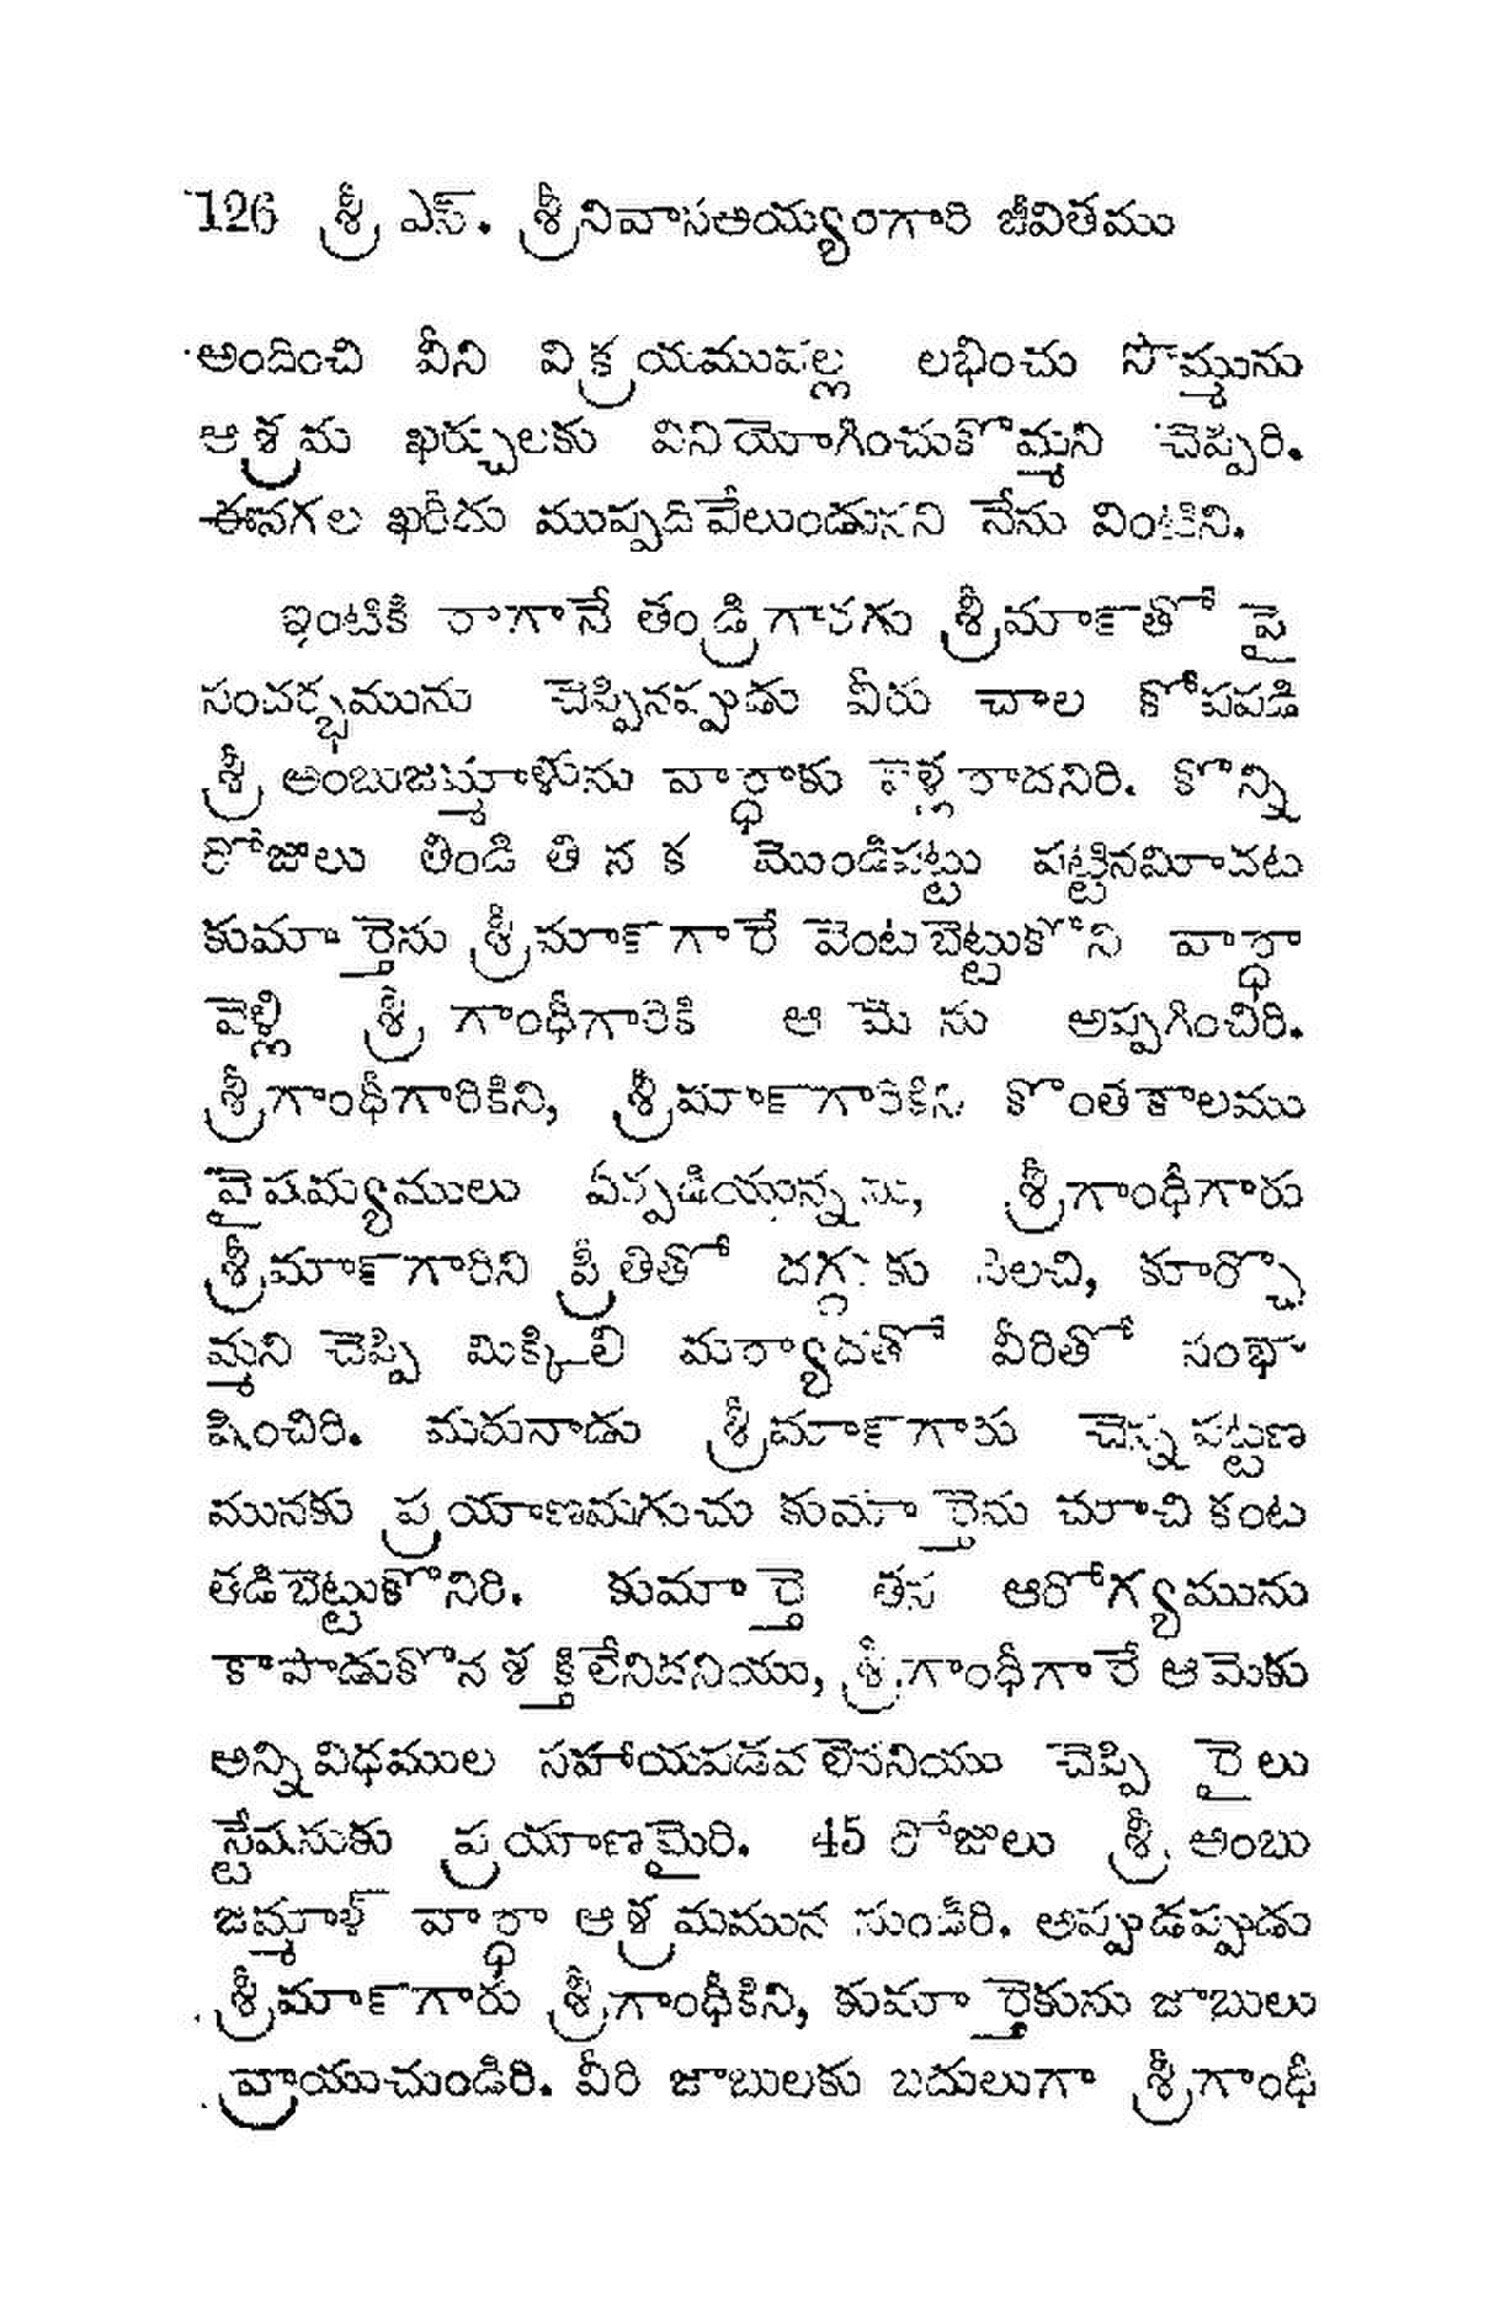అందించి వీని విక్రయమువల్ల లభించు సొమ్మును ఆశ్రమ ఖర్చులకు వినియోగించుకొమ్మని చెప్పిరి. ఈనగల ఖరీదు ముప్పదివేలుండుని నేను వింటిని.

ఇంటికి రాగానే తండ్రిగారగు శ్రీమా౯తో పై సందర్బమును చెప్పినప్పుడు వీరు చాల కోపపడి శ్రీ అంబుజమ్మాళును వాగ్దాకు వెళ్లరాదనిరి. కొన్ని రోజులు తిండి తినక మొండిపట్టు పట్టినమీదట కుమార్తెను శ్రీమా౯ గారే వెంటబెట్టుకొని వార్ధా వెళ్లి శ్రీ గాంధీగారికి ఆమెను అప్పగించిరి. శ్రీగాంధీగారికిని, శ్రీమా౯గారికిని కొంతకాలము వైషమ్యములు ఏప్పడియున్నను, శ్రీగాంధీగారు శ్రీమా౯గారిని ప్రీతితో దగ్గరకు పిలచి, కూర్చొమ్మని చెప్పి మిక్కిలి మర్యాదతో వీరితో సంభాషించిరి. మరునాడు శ్రీమా౯గారు చెన్నపట్టణమునకు ప్రయాణమగుచు కుమార్తెను చూచి కంటతడిబెట్టుకొనిరి. కుమార్తె తన ఆరోగ్యమును కాపాడుకొనశక్తిలేనిదనియు, శ్రీగాంధీగారే ఆమెకు అన్నివిధముల సహాయపడవలెననియు చెప్పి రైలు స్టేషనుకు ప్రయాణమైరి. 45 రోజులు శ్రీ అంబుజమ్మాళ్ వార్ధా ఆశ్రమమున నుండిరి. అప్పుడప్పుడు శ్రీమా౯గారు శ్రీగాంధీకిని, కుమార్తెకును జాబులు వ్రాయుచుండిరి. వీరి జాబులకు బదులుగా శ్రీగాంధీ